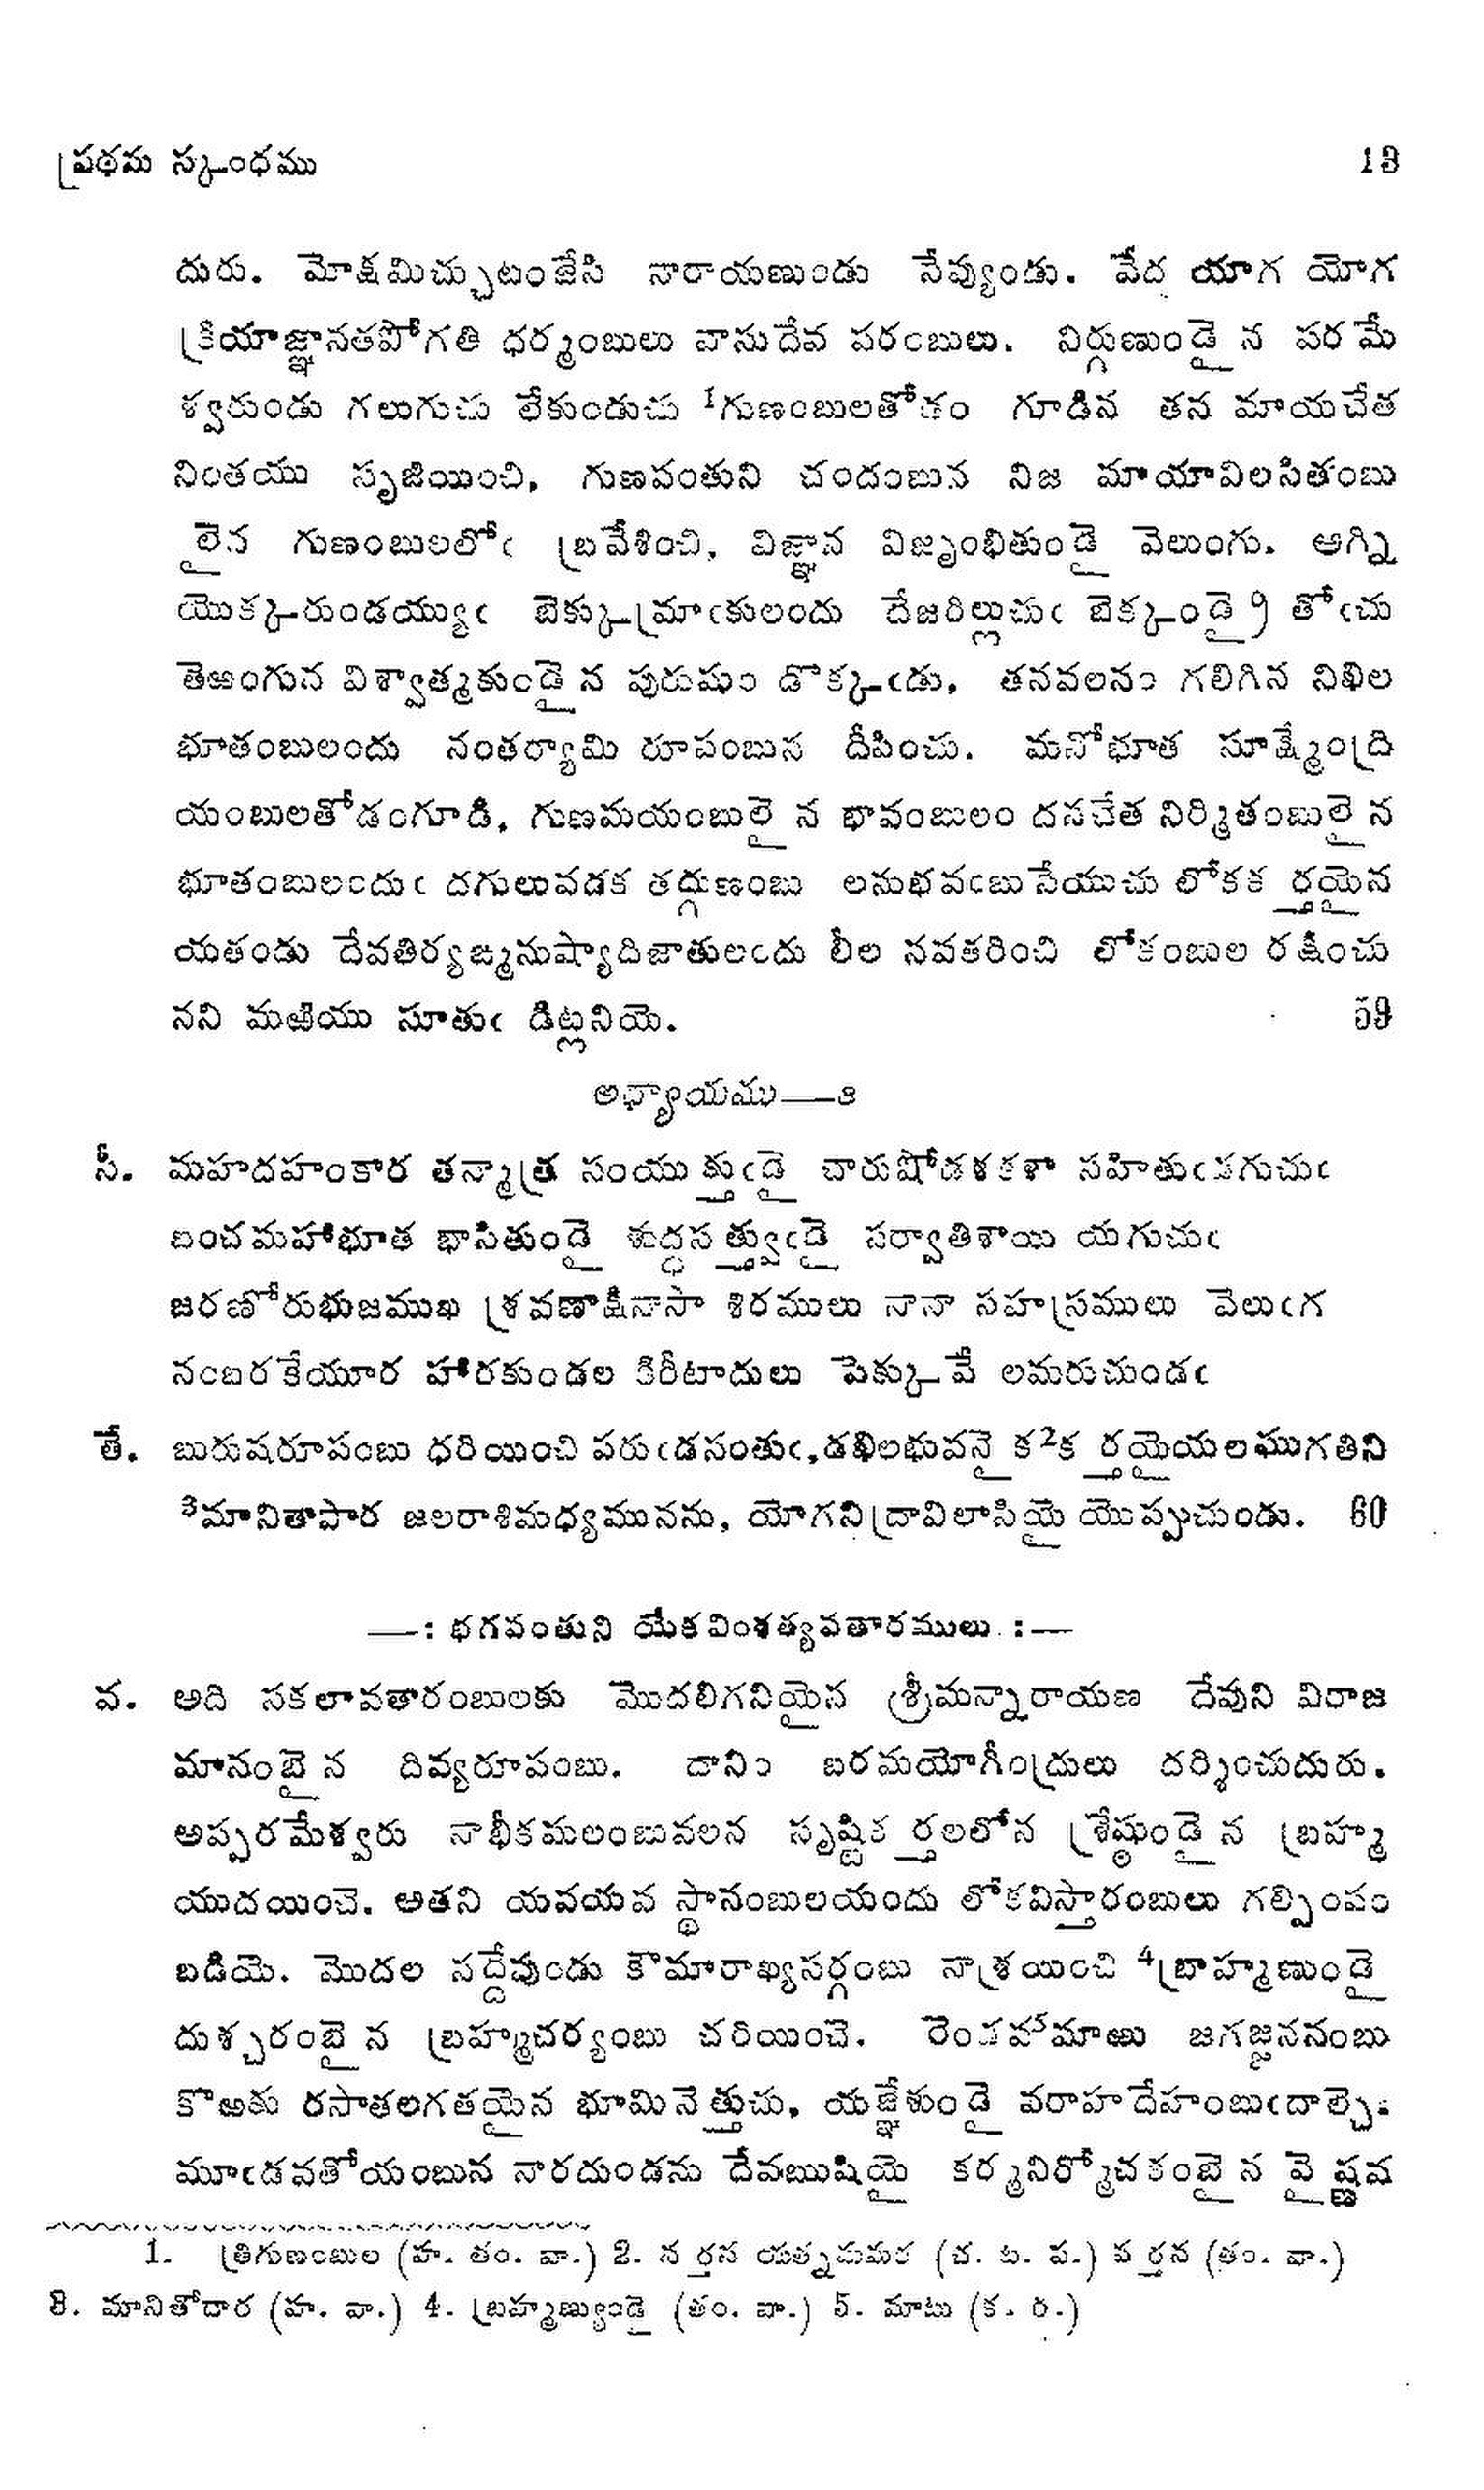13

మోక్షమిచ్చుటం జేసి నారాయణుండు సేవ్యుండు. వేద యాగ యోగ క్రియా జ్ఞాన తపోగతి ధర్మంబులు వాసుదేవపరంబులు. నిర్గుణుండైన పరమేశ్వరుండు కలుగుచు లేకుండుచు గుణంబుల తోడం గూడిన తన మయ చేత నింతయు సృజియించి, గుణవంతుని చందంబున నిజ మాయా విలసింతంబులైన గుణంబులలోఁ బ్రవేశించి విజ్ఞాన విజృంభితుండై వెలుంగు. అగ్ని యొక్కరుండయ్యుఁ బెక్కు మ్రాఁకులందుఁ దేజరిల్లుచుఁ బెక్కండ్రై తోఁచు తెఱంగున విశ్వాత్మకుండైన పురుషుండొక్కఁడు తన వలనం గలిగిన నిఖిల భూతంబులందు నంతర్యామి రూపంబున దీపించు. మనోభూత సూక్ష్మేంద్రియంబుల తోడం గూడి గుణమయంబులైన భావంబులం దనచేత నిర్మితంబులైన భూతంబులందుఁ దగులువడక తద్గుణంబు లనుభవంబు సేయుచు లోకకర్తయైన యతండు దేవ తిర్యఙ్ మనుష్యాది జాతులందు లీల నవతరించి లోకంబుల రక్షించు నని మఱియు సూతుఁ డిట్లనియె. (1-59)

సీ. మహదహంకార తన్మాత్ర సంయుక్తుఁడై, చారు షోడశ కళా సహితుఁ డగుచుఁ

బంచ మహాభూత భాసితుండై శుద్ధ, సత్త్వుఁడై సర్వాతిశాయి యగుచుఁ

జరణోరు భుజముఖ శ్రవణాక్షి నాసా శి,రములు నానా సహస్రములు వెలుఁగ

నంబర కేయూర హార కుండల కిరీ,టాదులు పెక్కు వే లమరుచుండఁ

తే.గీ. బురుష రూపంబు ధరియించి పరుఁ డనంతుఁ , డఖిల భువనైక కర్తయై యలఘు గతిని

మానితాపార జలరాశి మధ్యమునను, యోగనిద్రా విలాసియై యొప్పుచుండు. (1-60)

వ. అది సకలావతారములకు మొదలి గనియైన శ్రీమన్నారాయణదేవుని విరాజమానంబైన దివ్యరూపంబు. దానిం బరమయోగీంద్రులు దర్శించుదురు. అప్పరమేశ్వరు నాభీకమలంబు వలన సృష్టికర్తలలోన శ్రేష్ఠుండైన బ్రహ్మ యుదయించె. అతని యవయవ స్థానంబులయందు లోకవిస్తారంబులు గల్పింపంబడియె. మొదల నద్దేవుండు కౌమారాఖ్య సర్గంబు నాశ్రయించి బ్రాహ్మణుండై దుశ్చరంబైన బ్రహ్మచర్యంబు చరియించె. రెండవ మాఱు జగజ్జననంబు కొఱకు రసాతలగత యైన భూమి నెత్తుచు యజ్ఞేశుండై వరాహదేహంబుఁ దాల్చె. మూడవ తోయంబున నారదుండను దేవఋషియై కర్మనిర్మోచకంబైన వైష్ణవ